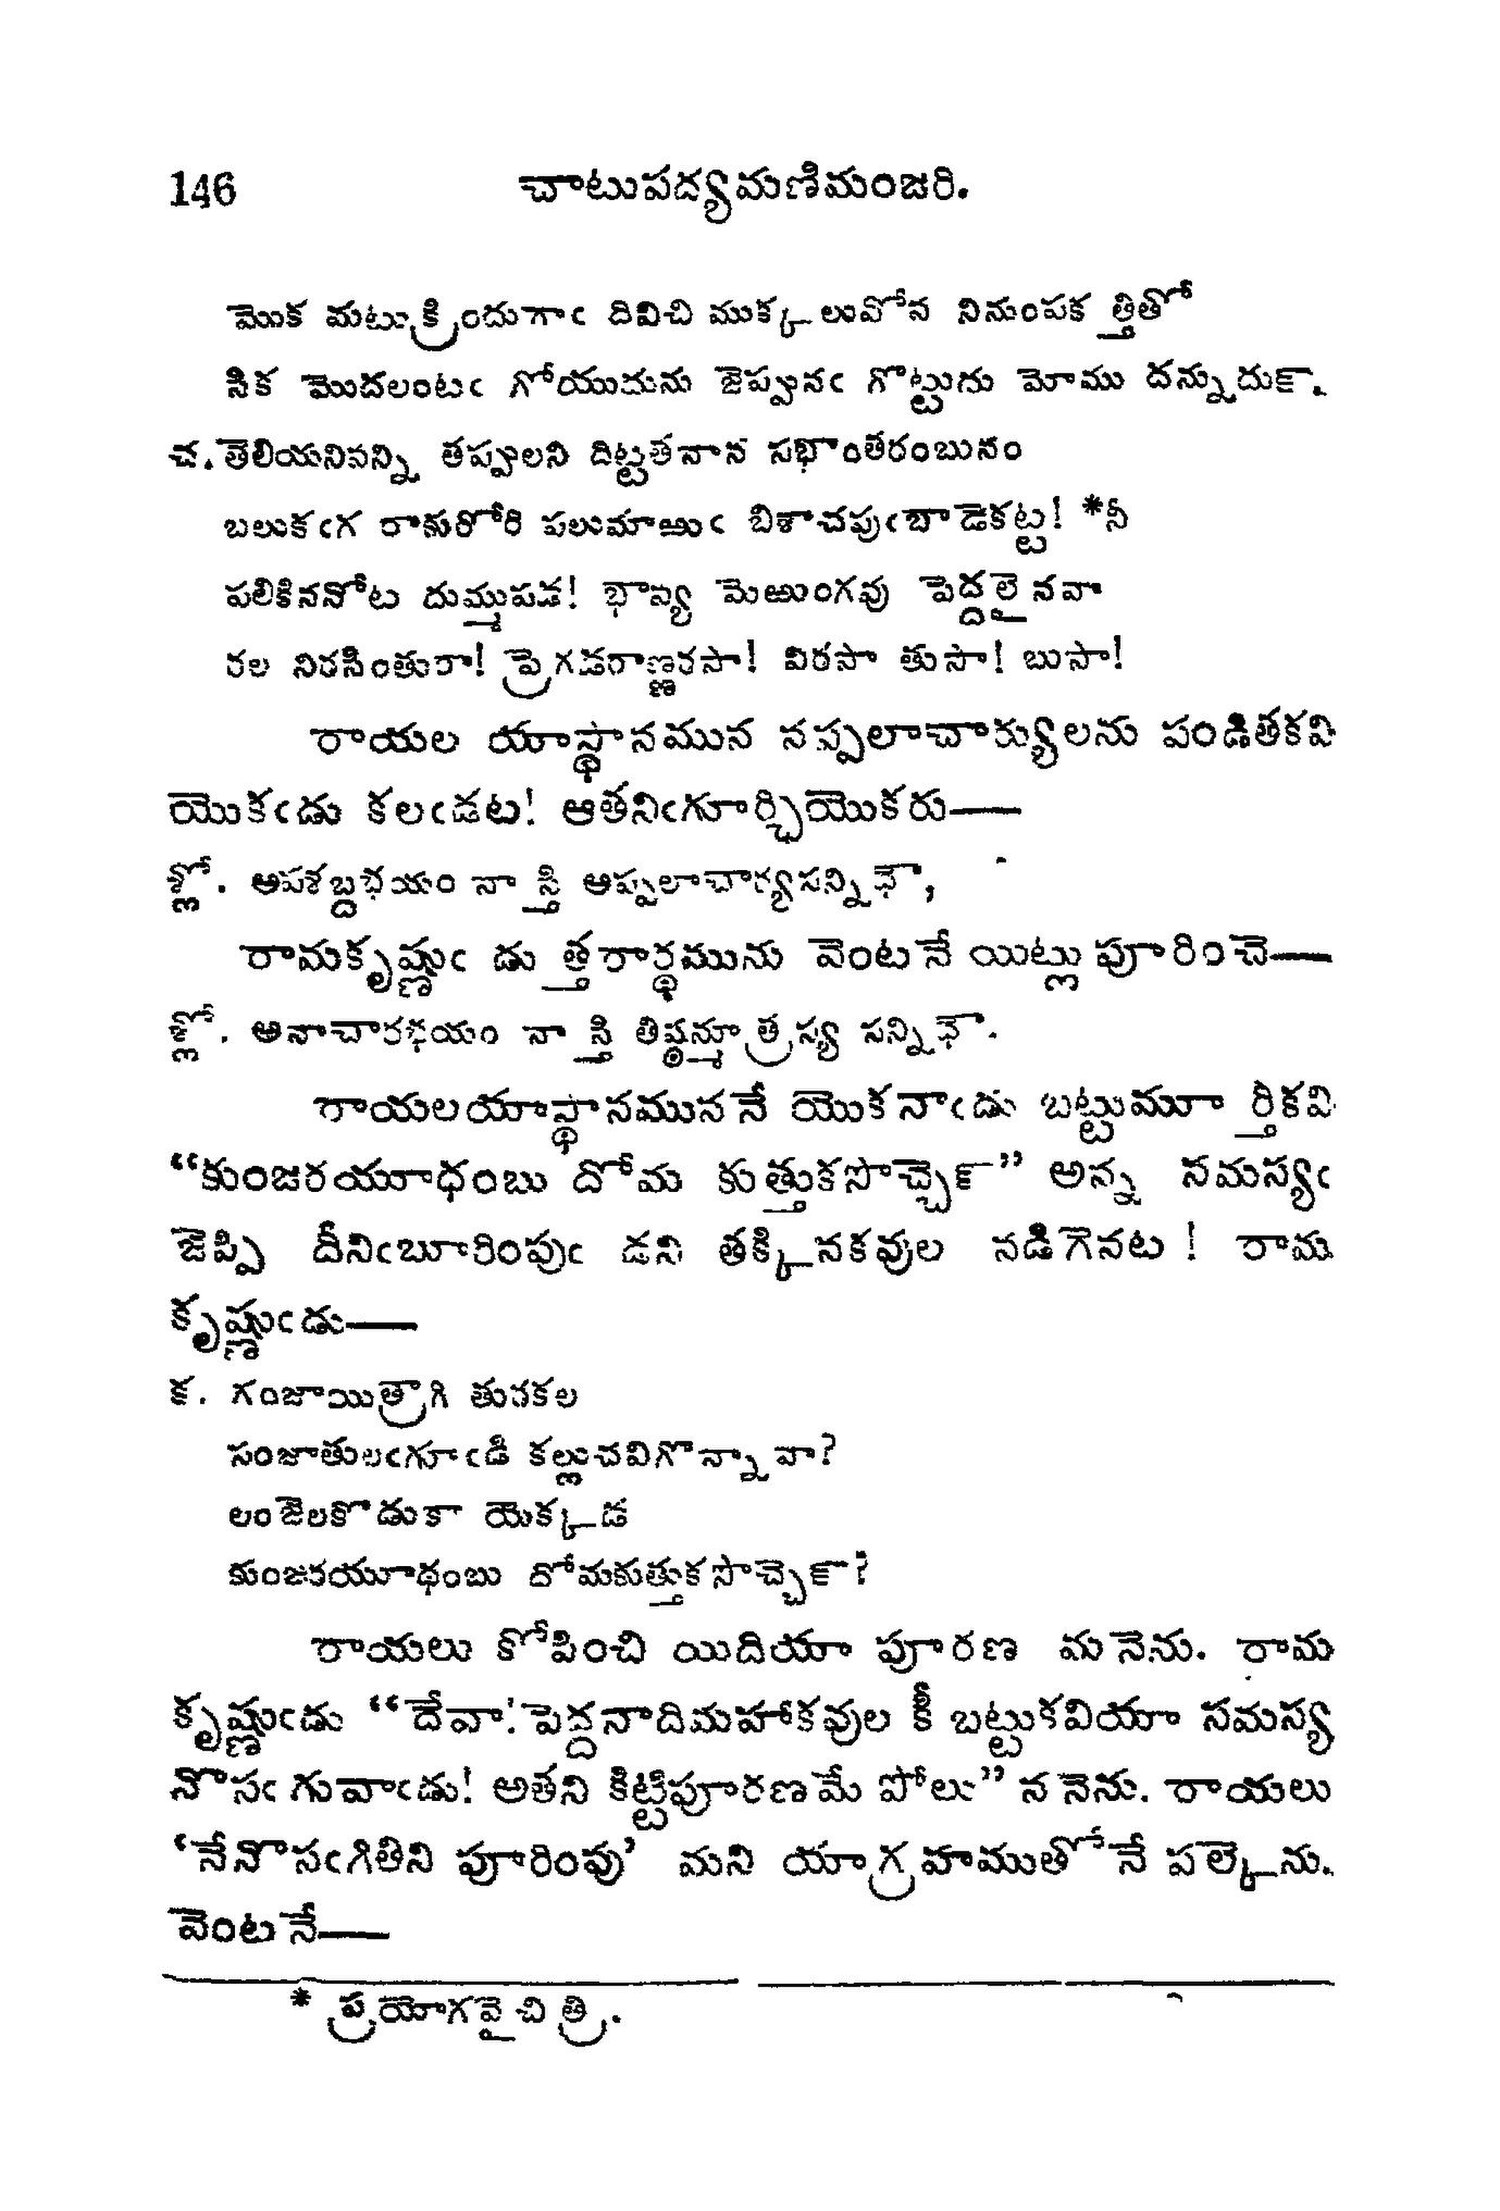మొక మటుక్రిందుగాఁ దివిచి ముక్కలువోవ నినుంపకత్తితో
 సిక మొదలంటఁ గోయుదును జెప్పునఁ గొట్టుదు మోము దన్నుదున్.
చ. తెలియనివన్ని తప్పు లని దిట్టతనాన సభాంతరంబున్
 బలుకఁగ రాకురోరి పలుమాఱుఁ బిశాచపుఁబాడెకట్టె! నీ
 పలికిననోట దుమ్ముపడ! భావ్య మెఱుంగవు పెద్దలైనవా
 రల నిరసింతురా! ప్రెగరాణ్ణరసా! విరసా! తుసా! బుసా!
రాయల యాస్థానమున నప్పలాచార్యులను పండితకవి యొకఁడు కలఁడట! ఆతనిఁగూర్చి యొకరు—
శ్లో. అపశబ్దభయం నాస్తి అప్పలాచార్యసన్నిధౌ
రామకృష్ణుఁ డుత్తరార్ధమును వెంటనే యిట్లు పూరించె—
....అనాచారభయం నాస్తి తిష్టన్మూత్రస్య సన్నిధౌ.
రాయలయాస్థానముననే యొకనాఁడు బట్టుమూర్తికవి “కుంజరయూధంబు దోమకుత్తుక సొచ్చెన్” అన్న సమస్యఁ జెప్పి దీనిఁ బూరింపుఁ డని తక్కినకవుల నడిగెనఁట! రామకృష్ణుఁడు—
క. గంజాయి త్రాగి తురకల
 సంజాతులఁ గూడి కల్లు చవికొన్నావా?
 లంజెలకొడుకా యెక్కడ
 కుంజరయూథంబు దోమకుత్తుక సొచ్చెన్?
రాయలు కోపించి ‘యిదియా పూరణ’ మనెను. రామకృష్ణుఁడు ‘దేవా! పెద్దనాదిమహాకవుల కీ బట్టుకవి సమస్య నొసఁగువాఁడు! అతని కిట్టిపూరణమే పోలు’ ననెను. రాయలు ‘నేనొసఁగితిని పూరింపు’ మని యాగ్రహముతోనే పల్కెను. వెంటనే—